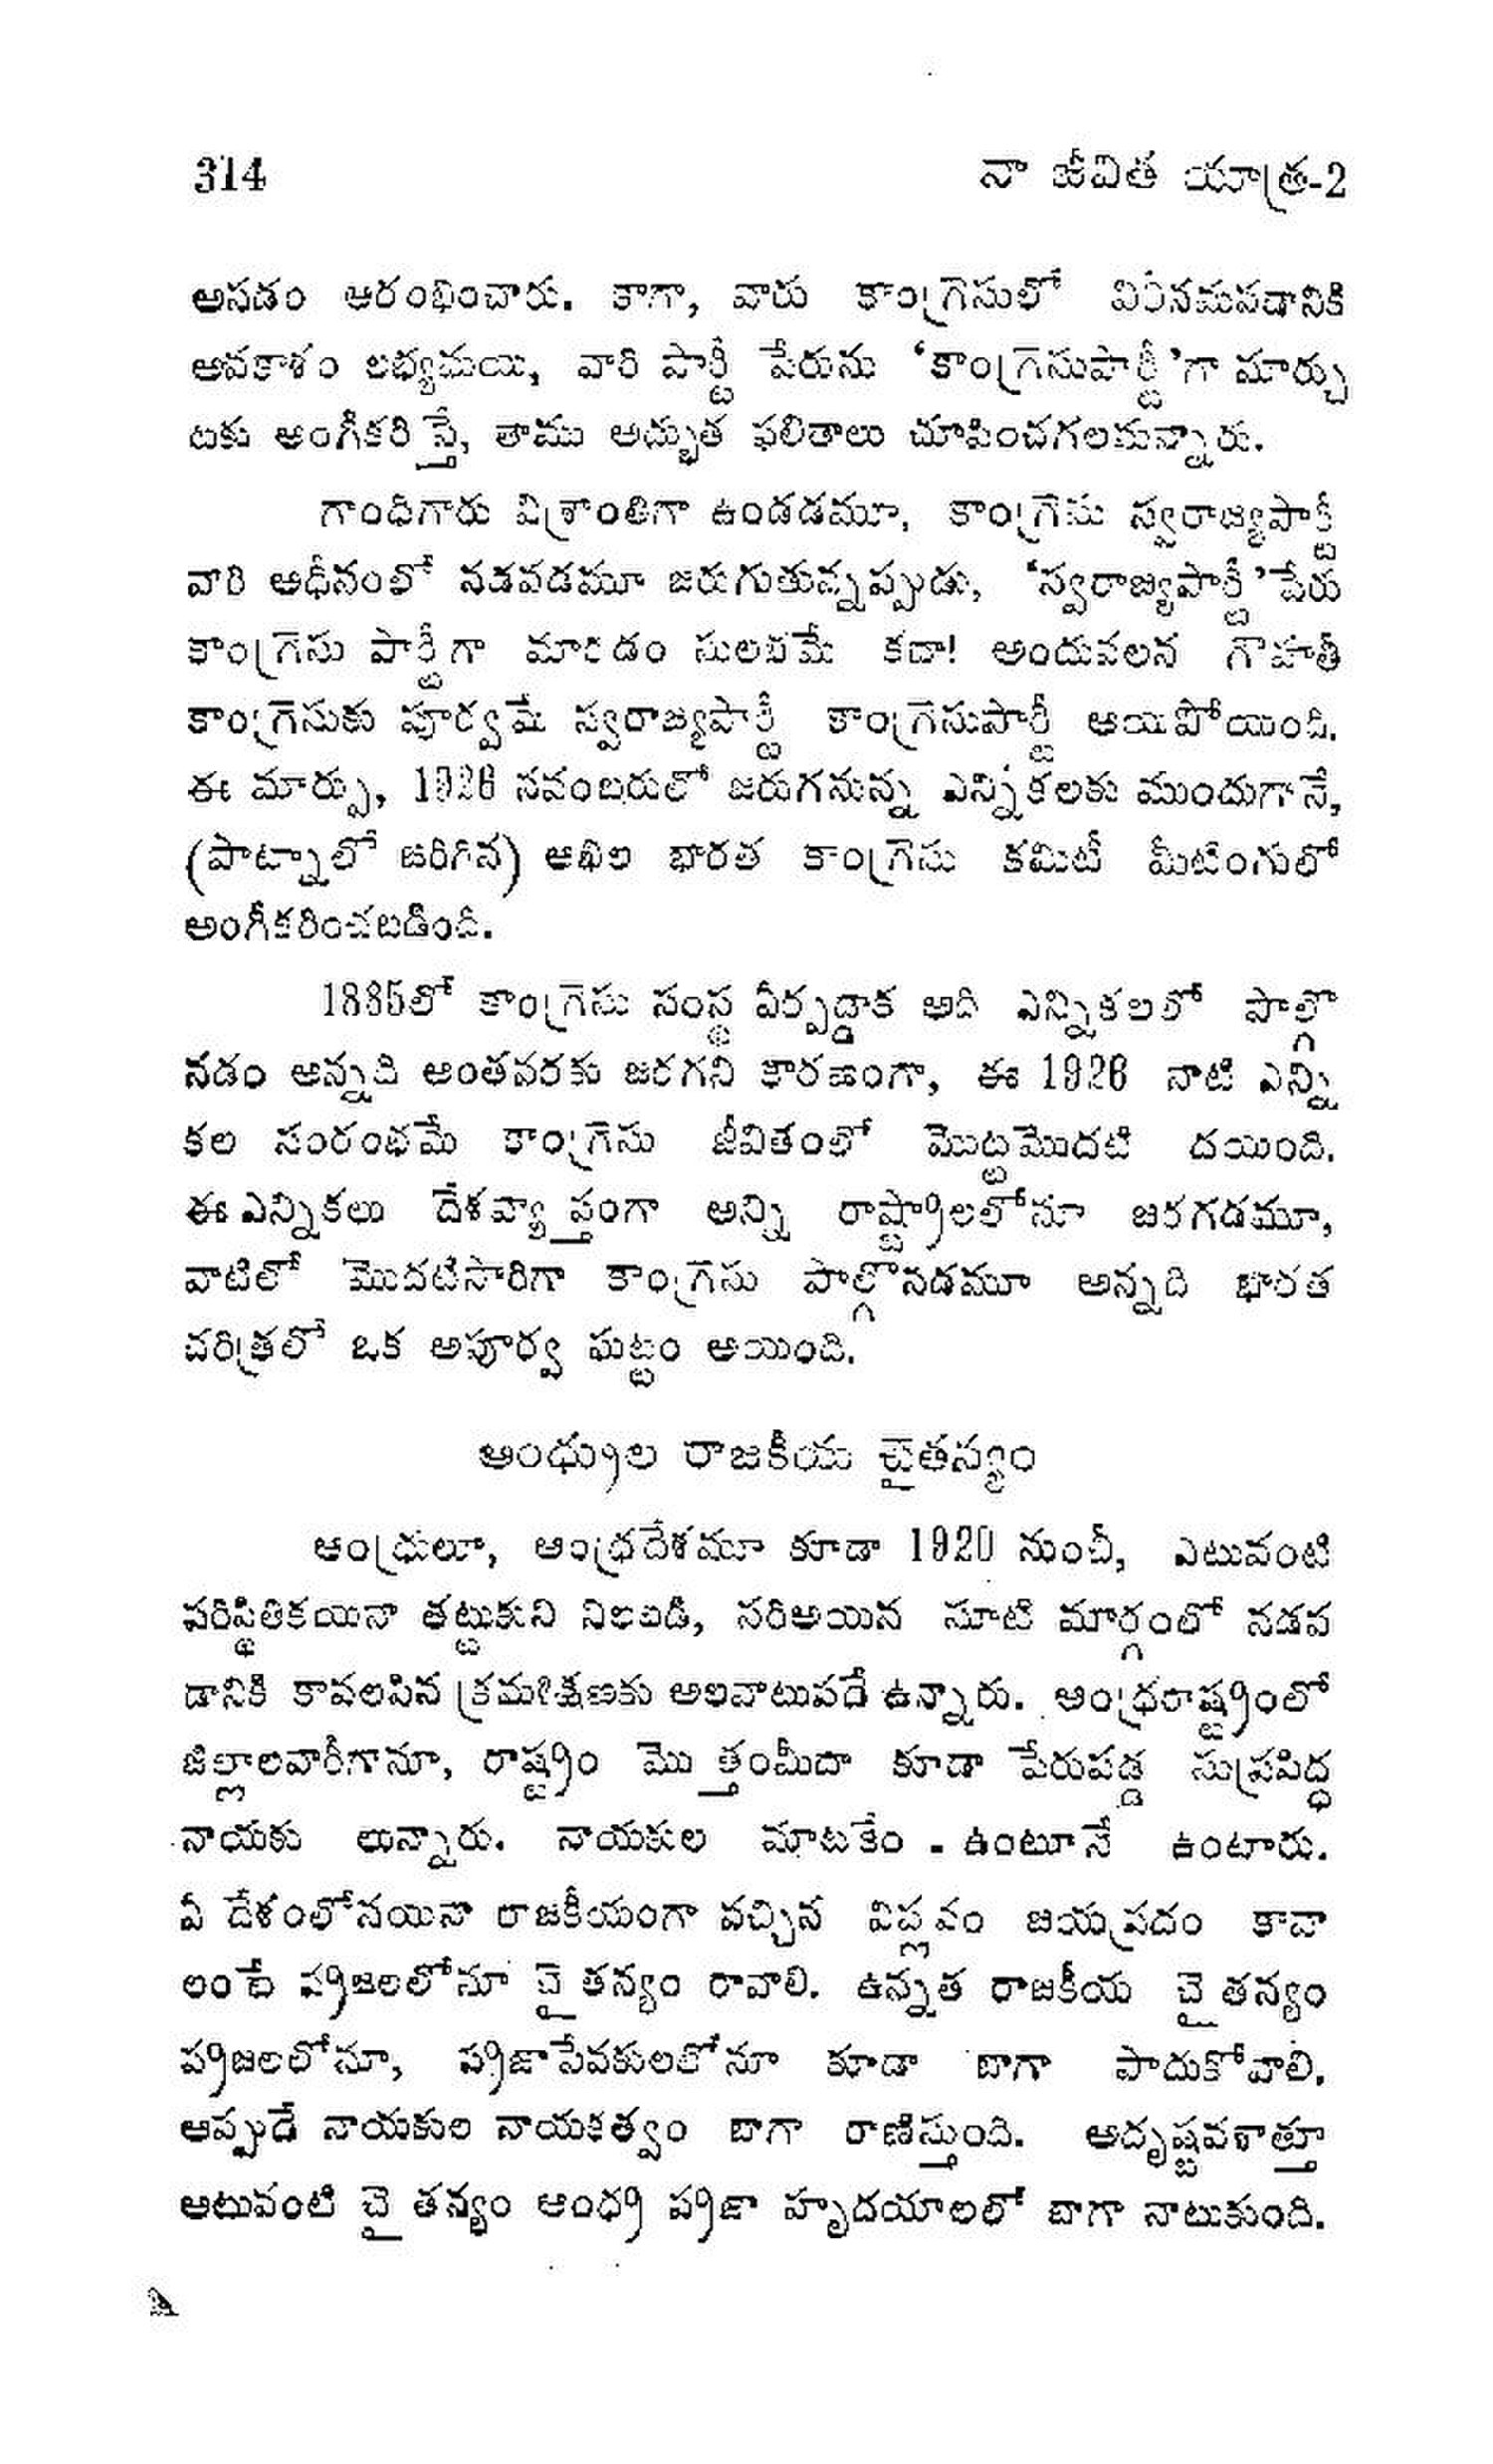అనడం ఆరంభించారు. కాగా, వారు కాంగ్రెసులో విలీనమవడానికి అవకాశం లభ్యమయి, వారి పార్టీ పేరును "కాంగ్రెసుపార్టీ"గా మార్చుటకు అంగీకరిస్తే, తాము అద్భుత ఫలితాలు చూపించగలమన్నారు. 

గాంధీగారు విశ్రాంతిగా ఉండడమూ, కాంగ్రెసు స్వరాజ్యపార్టీ వారి అధీనంలో నడవడమూ జరుగుతున్నప్పుడు, "స్వరాజ్యపార్టీ"పేరు కాంగ్రెసు పార్టీగా మారడం సులభమే కదా! అందువలన గౌహతీ కాంగ్రెసుకు పూర్వమే స్వరాజ్యపార్టీ కాంగ్రెసుపార్టీ అయిపోయింది. ఈ మార్పు, 1926 నవంబరులో జరుగనున్న ఎన్నికలకు ముందుగానే, (పాట్నాలో జరిగిన) అఖిల భారత కాంగ్రెసు కమిటీ మీటింగులో అంగీకరించబడింది.

1885లో కాంగ్రెసు సంస్థ ఏర్పడ్డాక అది ఎన్నికలలో పాల్గొనడం అన్నది అంతవరకు జరగని కారణంగా, ఈ 1926 నాటి ఎన్నికల సంరంభమే కాంగ్రెసు జీవితంలో మొట్టమొదటి దయింది. ఈ ఎన్నికలు దేశవ్యాప్తంగా అన్ని రాష్ట్రాలలోనూ జరగడమూ, వాటిలో మొదటిసారిగా కాంగ్రెసు పాల్గొనడమూ అన్నది భారత చరిత్రలలో ఒక అపూర్వ ఘట్టం అయింది.

ఆంధ్రులూ, ఆంధ్రదేశమూ కూడా 1920 నుంచీ, ఎటువంటి పరిస్థితికయినా తట్టుకుని నిలబడి, సరిఅయిన సూటి మార్గంలో నడవడానికి కావలసిన క్రమశిక్షణకు అలవాటుపడే ఉన్నారు. ఆంధ్రరాష్ట్రంలో జిల్లాలవారీగానూ, రాష్ట్రం మొత్తంమీదా కూడా పేరుపడ్డ సుప్రసిద్ధనాయకు లున్నారు. నాయకుల మాటకేం-ఉంటూనే ఉంటారు. ఏ దేశంలోనయినా రాజకీయంగా వచ్చిన విప్లవం జయప్రదం కాకావాలంటే ప్రజలలోనూ చైతన్యం రావాలి. ఉన్నత రాజకీయ చైతన్యం ప్రజలలోనూ, ప్రజాసేవకులలోనూ కూడా బాగా పాదుకోవాలి. అప్పుడే నాయకుల నాయకత్వం బాగా రాణిస్తుంది. అదృష్టవశాత్తూ అటువంటి చైతన్యం ఆంధ్ర ప్రజా హృదయాలలో బాగా నాటుకుంది.